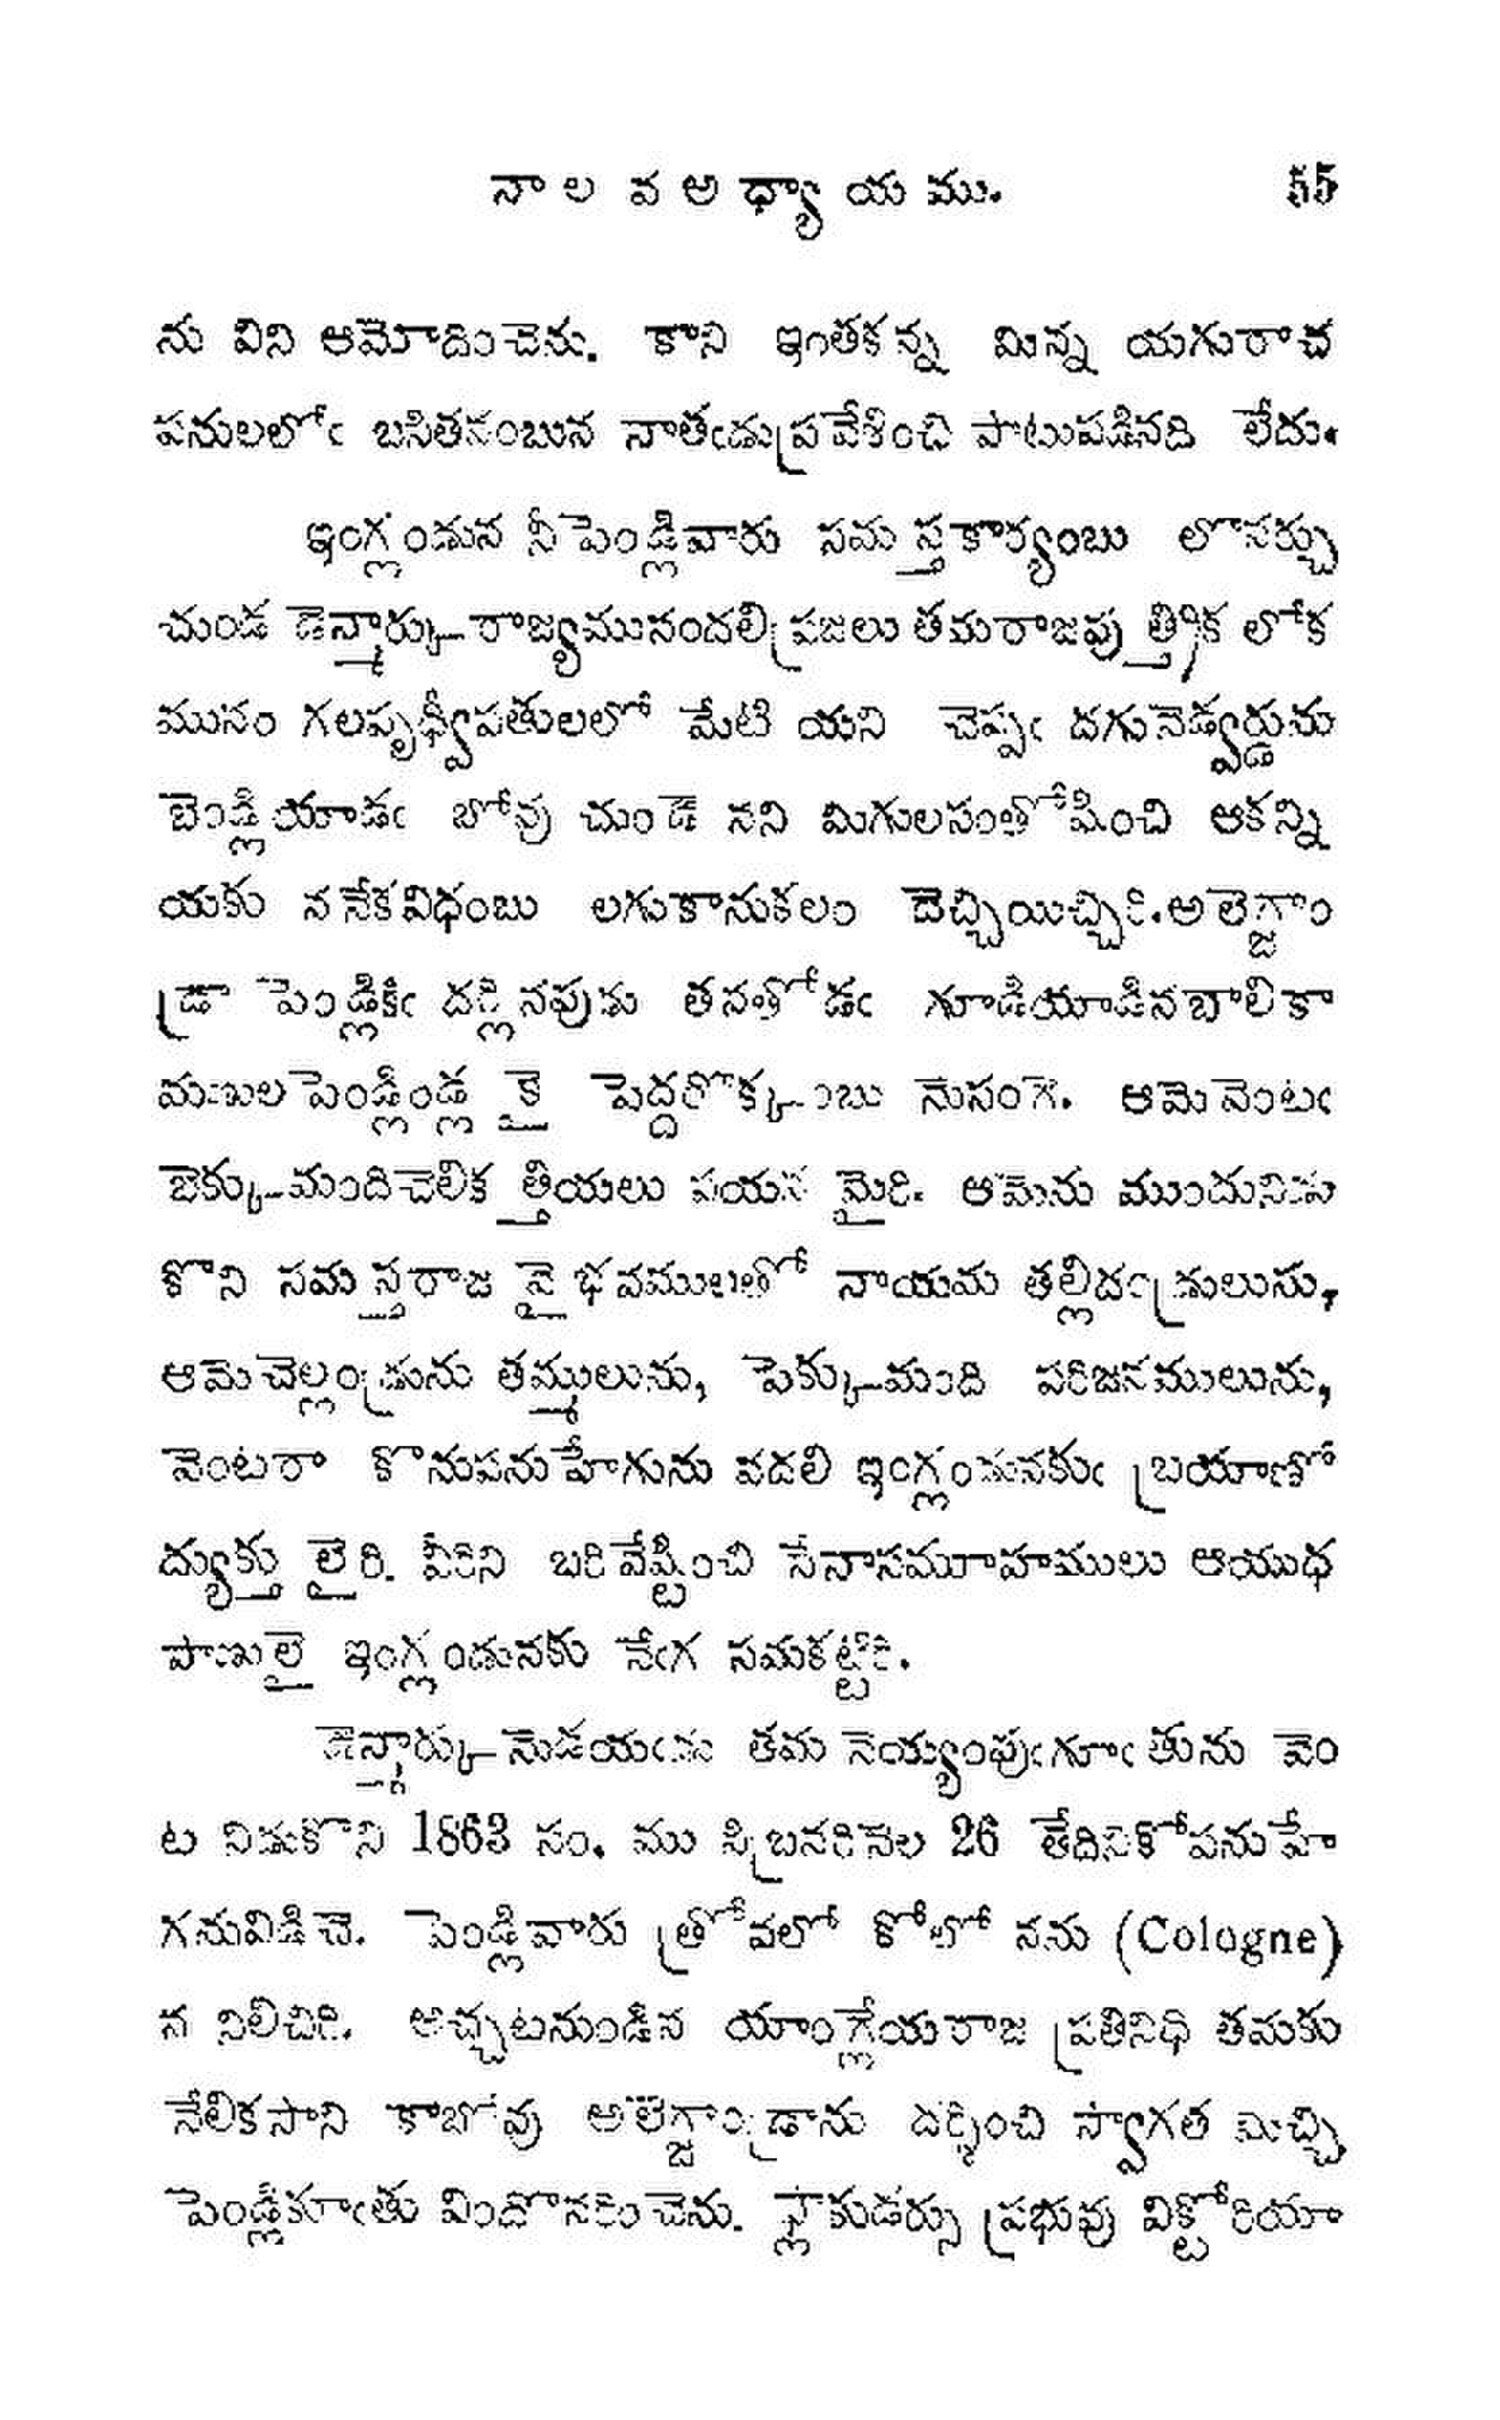ను విని ఆమోదించెను. కాని ఇంతకన్న మిన్న యగురాచ పనులలోఁ బసితనంబున నాతఁడు ప్రవేశించి పాటుపడినది లేదు ఇంగ్లండున నీ పెండ్లివారు సమస్త కార్యంబు లొనర్చు
చుండ డెన్మారు రాజ్యమునందలి ప్రజలు తమరాజువుత్రిక లోకమునం గలపృధ్వీపతులలో మేటి యని చెప్పఁ దగు నెడ్వర్డును బెండ్లియాడఁ బోవు చుండె నని మిగులసంతోషించి ఆకన్ని
యకు ననేక విధంబు లగుకానుకలం దెచ్చియిచ్చిరి .అలెగ్జాండ్రా "పెండ్లికిఁ దర్లి నపుడు తనతోడఁ గూడి యాడిన బాలికామణుల పెండ్లిండ్ల కై పెద్ద రొక్కంబు నొసంగే. ఆమె వెంట బెక్కు మంది చెలికత్తియలు షయన మైరి. ఆమెను ముందు నిడుకొని సమస్తరాజు వైభవములు, నాయమ తల్లిదండ్రులుసు, ఆమె చెల్లండ్రును తమ్ములును, పెక్కు మంది పరిజనములును,
వెంటరా కొనుపను హేగును వదలి ఇంగ్లండు సునకుఁ బ్రయాణాద్యుక్తు లైరి. వీరిని బరివేష్టించి సేనాసమూహములు ఆయుధపొణులై ఇంగ్లండునకు నేఁగ సమకట్టిరి .

డెనార్కు మెడయఁడు తమ నెయ్యంపు: గూఁతును వెంట నిడుకొని 1863 సం, ము ఫిబ్రవరి నెల 26 తేది:కోపను హేగనువిడిచె. పెండ్లి వారు త్రోవలో కోలో నను (Cologne)న నిలిచి.. అచ్చటనుండిన యాంగ్లేయరాజ ప్రతినిధి తమకునేలికసాని కాబోవు అలెగ్జాండ్రాను దర్శించి స్వాగతమిచ్చి
పెండ్లికూతు విందొనరించెను. ఫ్లాకుడర్సు ప్రభువు విక్టోరియా